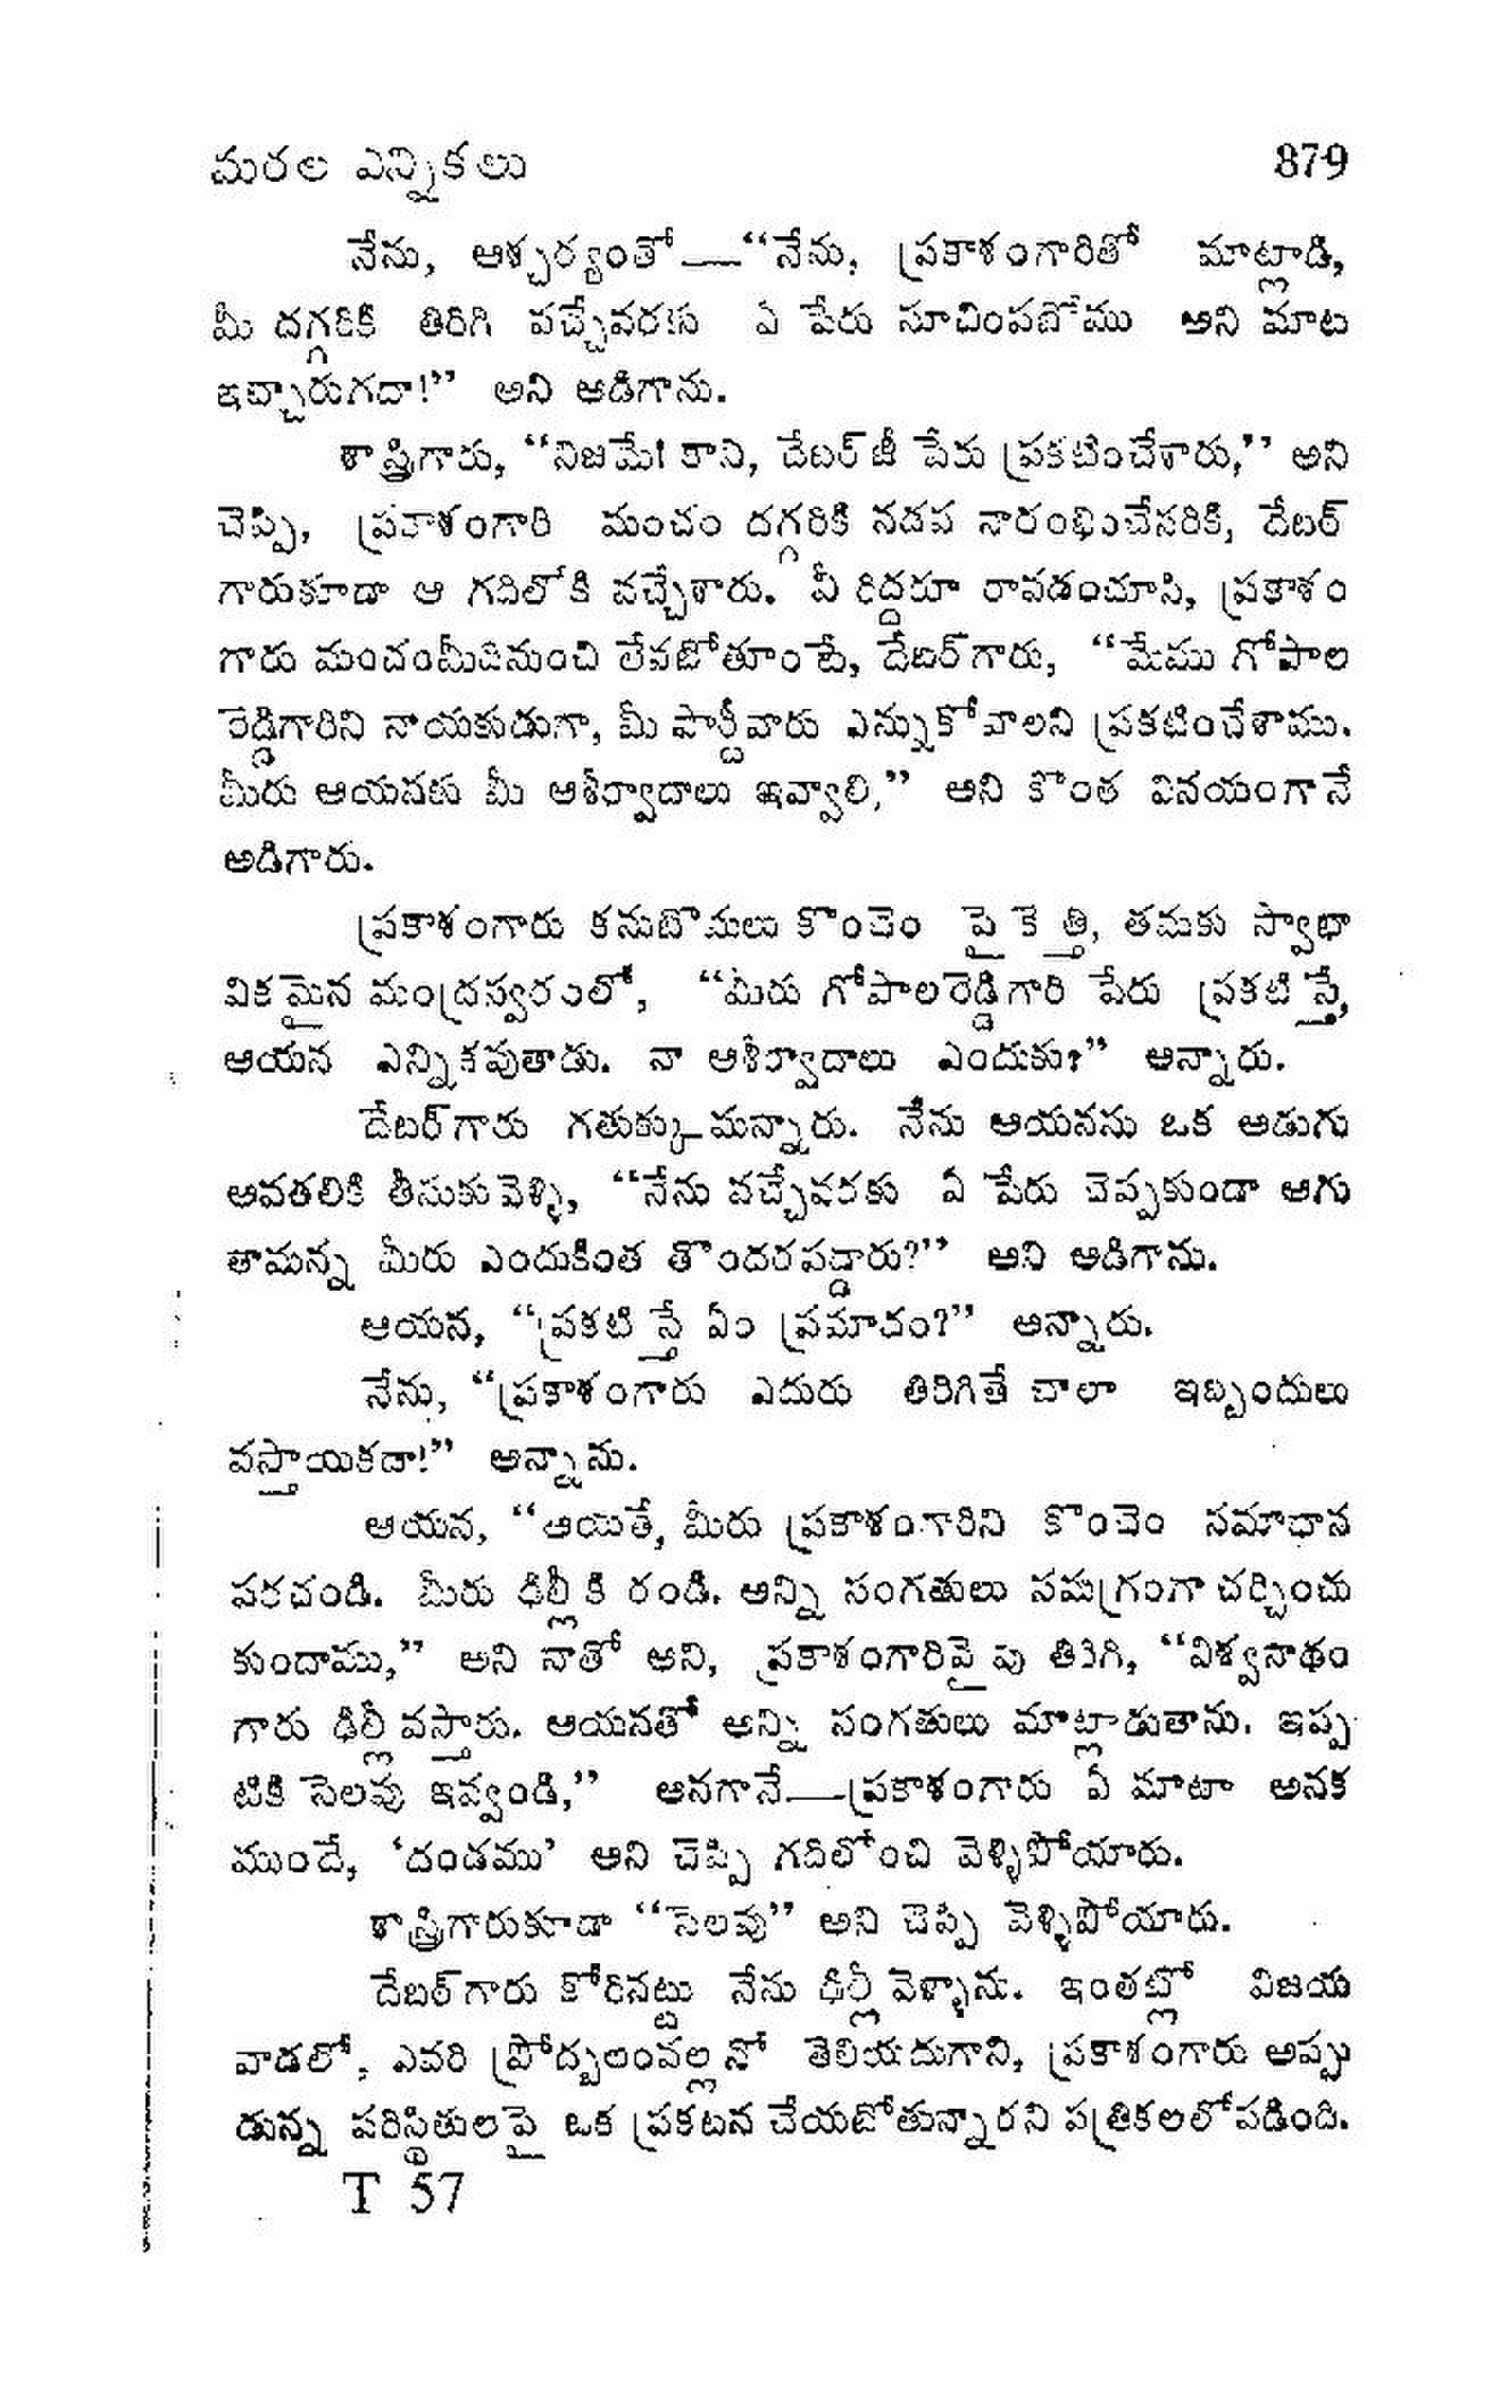నేను, ఆశ్చర్యంతో --- "నేను, ప్రకాశంగారితో మాట్లాడి, మీ దగ్గరికి తిరిగి వచ్చేవరకు ఏ పేరు సూచించబోము అని మాట ఇచ్చారుగదా!" అని అడిగాను.

శాస్త్రిగారు, "నిజమే! కాని, దేబర్‌జీ పేరు ప్రకటించేశారు," అని చెప్పి, ప్రకాశంగారి మంచం దగ్గరికి నడవ నారంభించేసరికి, దేబర్‌ గారుకూడా ఆ గదిలోకి వచ్చేశారు. వీ రిద్దరూ రావడంచూసి, ప్రకాశంగారు మంచంమీదనుంచి లేవబోతూంటే, దేబర్‌గారు, "మేము గోపాలరెడ్డిగారిని నాయకుడుగా, మీ పార్టీవారు ఎన్నుకోవాలని ప్రకటించేశాము. మీరు ఆయనకు మీ ఆశీర్వాదాలు ఇవ్వాలి," అని కొంత వినయంగానే అడిగారు.

ప్రకాశంగారు కనుబొమలు కొంచెం పై కెత్తి, తమకు స్వాభావికమైన మంద్రస్వరంలో, "మీరు గోపాలరెడ్డిగారి పేరు ప్రకటిస్తే, ఆయన ఎన్నికవుతాడు. నా ఆశీర్వాదాలు ఎందుకు?" అన్నారు.

దేబర్‌గారు గతుక్కు మన్నారు. నేను ఆయనను ఒక అడుగు అవతలికి తీసుకువెళ్ళి, "నేను వచ్చేవరకు ఏ పేరు చెప్పకుండా ఆగుతామన్న మీరు ఎందుకింత తొందరపడ్డారు?" అని అడిగాను.

ఆయన, "ప్రకటిస్తే ఏం ప్రమాదం?" అన్నారు.

నేను, "ప్రకాశంగారు ఎదురు తిరిగితే చాలా ఇబ్బందులు వస్తాయికదా!" అన్నాను.

ఆయన, "అయితే, మీరు ప్రకాశంగారిని కొంచెం సమాధాన పరచండి. మీరు ఢిల్లీకి రండి, అన్ని సంగతులు సమగ్రంగా చర్చించు కుందాము," అని నాతో అని, ప్రకాశంగారివైపు తిరిగి, "విశ్వనాథం గారు ఢిల్లీ వస్తారు. ఆయనతో అన్ని సంగతులు మాట్లాడుతాను. ఇప్పటికి సెలవు ఇవ్వండి," అనగానే - ప్రకాశంగారు ఏ మాటా అనకముందే, 'దండము' అని చెప్పి గదిలోంచి వెళ్ళిపోయారు.

శాస్త్రిగారుకూడా "సెలవు" అని చెప్పి వెళ్ళిపోయారు.

దేబర్‌గారు కోరినట్టు నేను ఢిల్లీ వెళ్ళాను. ఇంతట్లో విజయవాడలో, ఎవరి ప్రోద్బలంవల్లనో తెలియదుగాని, ప్రకాశంగారు అప్పుడున్న పరిస్థితులపై ఒక ప్రకటన చేయబోతున్నారని పత్రికలలోపడింది.